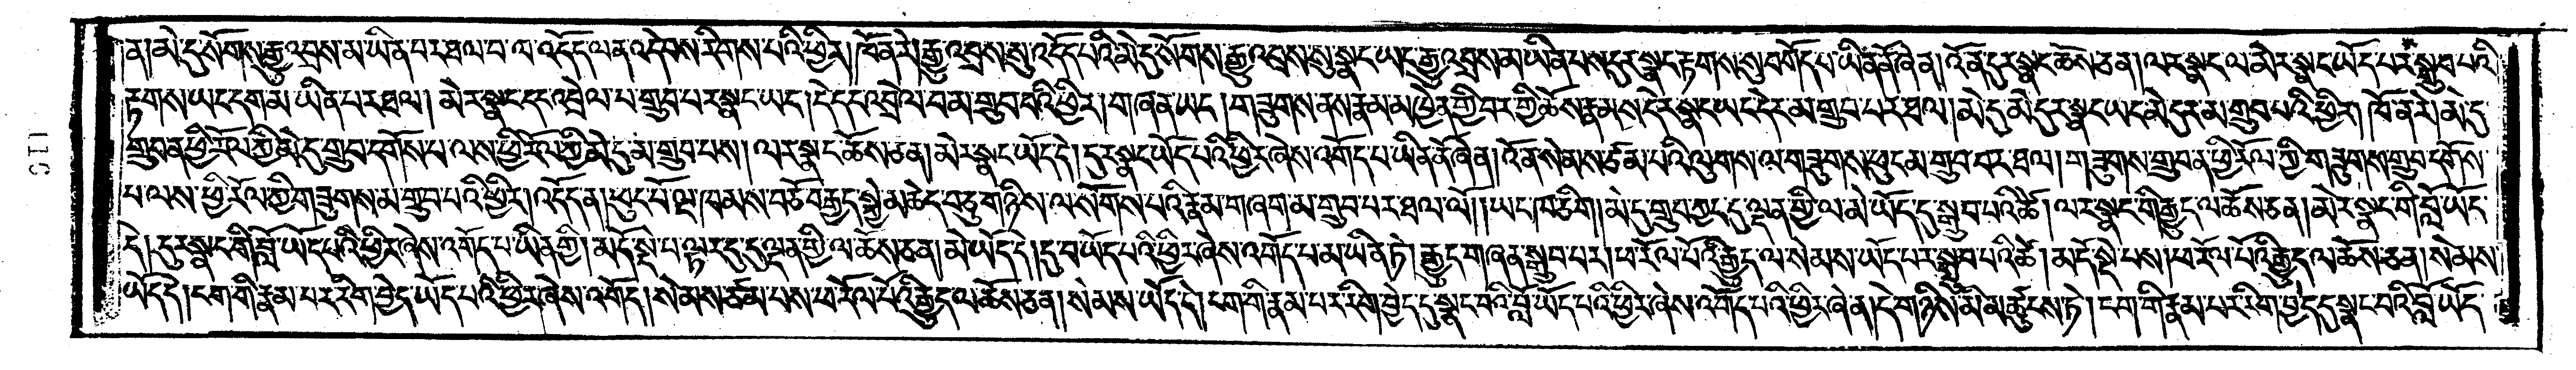ན༑ མེ་དུ་སོགས་རྒྱུ་འབྲས་མ་ཡིན་པར་ཐལ་བ་ལ་འདོད་ལན་འདེབས་རིགས་པའི་ཕྱིར། ཁོ་ན་རེ་རྒྱུ་འབྲས་སུ་འདོད་པའི་མེ་དུ་སོགས་རྒྱུ་འབྲས་སུ་སྣང་ཡང་རྒྱུ་འབྲས་མ་ཡིན་པས་དུར་སྣང་རྟགས་སུ་བཀོད་པ་ཡིན་ནོ་ཞེ་ན། འོ་ན་དུར་སྣང་ཆོས་ཅན། ལར་སྣང་ལ་མེར་སྣང་ཡོད་པར་སྒྲུབ་པའི་
རྟགས་ཡང་དག་མ་ཡིན་པར་ཐལ། མེར་སྣང་དང་འབྲེལ་བ་གྲུབ་པར་སྣང་ཡང་། དེ་དང་འབྲེལ་བ་མ་གྲུབ་པའི་ཕྱིར། གཞན་ཡང་། གཟུགས་ནས་རྣམ་མཁྱེན་གྱི་བར་གྱི་ཆོས་རྣམས་དེར་སྣང་ཡང་དེར་མ་གྲུབ་པར་ཐལ། མེ་དུ་མེ་དུར་སྣང་ཡང་མེ་དུར་མ་གྲུབ་པའི་ཕྱིར། ཁོ་ན་རེ། མེ་དུ་
གྲུབ་ན་ཕྱི་རོལ་གྱི་མེ་དུ་གྲུབ་དགོས་པ་ལས་ཕྱི་རོལ་གྱི་མེ་དུ་མ་གྲུབ་པས། ལར་སྣང་ཆོས་ཅན། མེར་སྣང་ཡོད་དེ། དུར་སྣང་ཡོད་པའི་ཕྱིར་ཞེས་འགོད་པ་ཡིན་ནོ་ཞེ་ན། འོ་ན་སེམས་ཙམ་པའི་ལུགས་ལ་གཟུགས་ཕུང་མ་གྲུབ་པར་ཐལ། གཟུགས་གྲུབ་ན་ཕྱི་རོལ་གྱི་གཟུགས་གྲུབ་དགོས་
པ་ལས། ཕྱི་རོལ་གྱི་གཟུགས་མ་གྲུབ་པའི་ཕྱིར། འདོད་ན། ཕུང་པོ་ལྔ་ཁམས་བཅོ་བརྒྱད་སྐྱེ་མཆེད་བཅུ་གཉིས་ལ་སོགས་པའི་རྣམ་གཞག་མ་གྲུབ་པར་ཐལ་ལོ། །ཡང་ཁ་ཅིག ། མེ་དུ་གྲུབ་ཀྱང་དུ་ལྡན་གྱི་ལ་མེ་ཡོད་དུ་སྒྲུབ་པའི་ཚེ། ལར་སྣང་གི་རྒྱུད་ལ་ཆོས་ཅན། མེར་སྣང་གི་བློ་ཡོད་
དེ། དུར་སྣང་གི་བློ་ཡོད་པའི་ཕྱིར་ཞེས་འགོད་པ་ཡིན་གྱི། མདོ་སྡེ་པ་ལྟར་དུ་དུ་ལྡན་གྱི་ལ་ཆོས་ཅན། མེ་ཡོད་དེ། དུ་བ་ཡོད་པའི་ཕྱིར་ཞེས་འགོད་པ་མ་ཡིན་ཏེ། རྒྱུད་གཞན་སྒྲུབ་པར། ཕ་རོལ་པོའི་རྒྱུད་ལ་སེམས་ཡོད་པར་སྒྲུབ་པའི་ཚེ། མདོ་སྡེ་པས། ཕ་རོལ་པོའི་རྒྱུད་ལ་ཆོས་ཅན། སེམས་
ཡོད་དེ། ངག་གི་རྣམ་པར་རིག་བྱེད་ཡོད་པའི་ཕྱིར་ཞེས་འགོད། སེམས་ཙམ་པས་ཕ་རོལ་པོའི་རྒྱུད་ལ་ཆོས་ཅན། སེམས་ཡོད་དེ། ངག་གི་རྣམ་པར་རིག་བྱེད་དུ་སྣང་བའི་བློ་ཡོད་པའི་ཕྱིར་ཞེས་འགོད་པའི་ཕྱིར་ཞེ་ན། དེ་གཉིས་མི་མཚུངས་ཏེ། ངག་གི་རྣམ་པར་རིག་བྱེད་དུ་སྣང་བའི་བློ་ཡོད་